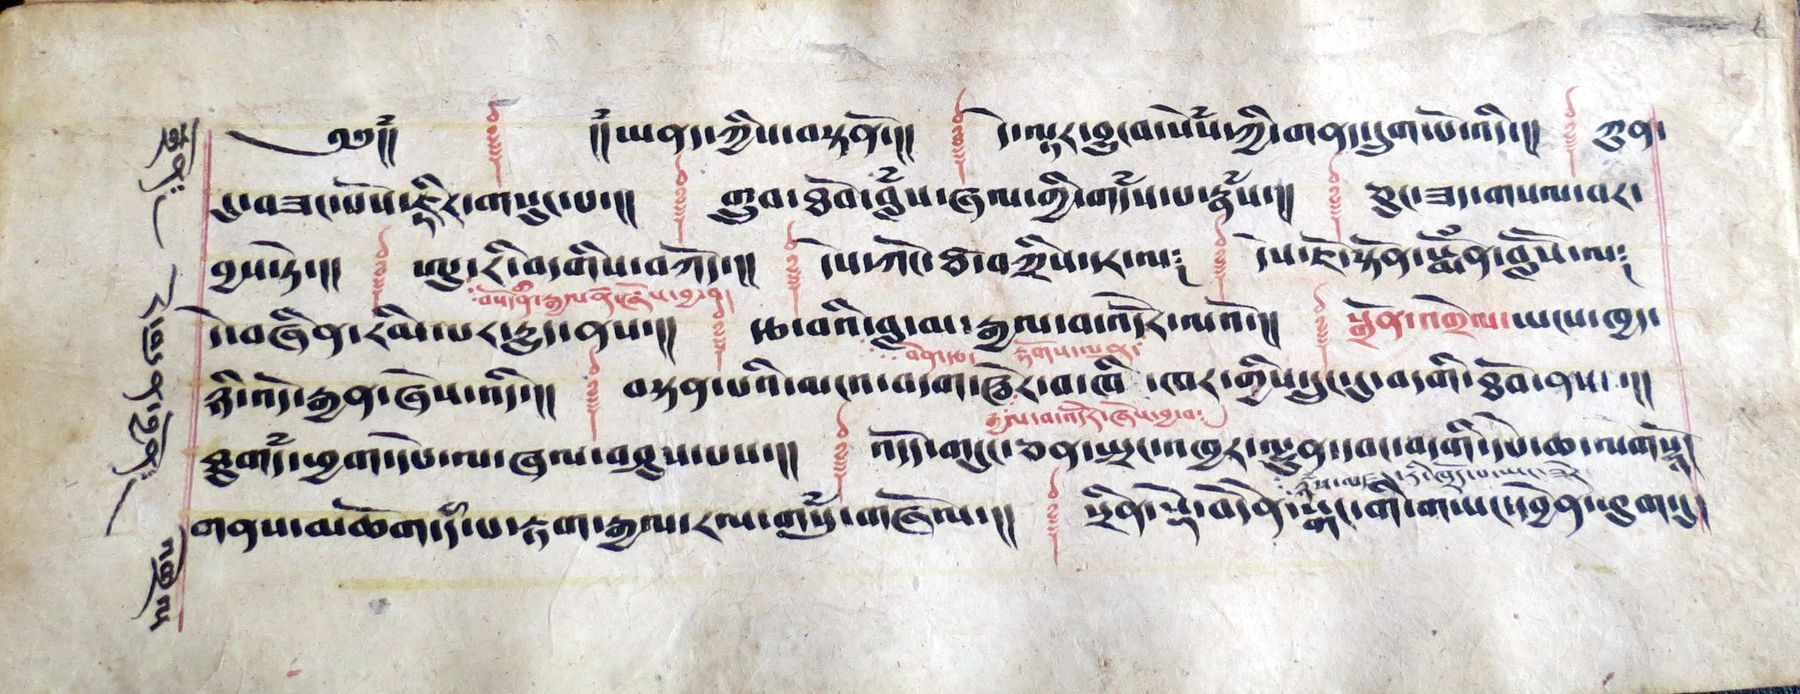ཡན་ཆད་ཀྱིས་བསྟན་ཏོ། །དེ་ལྟར་བྱང་ཆུབ་སེམས་ཀྱི་གནད་དྲུག་པོ་འདི། ཀུན་
ཏུ་བཟང་པོས་ཇི་ལྟར་གསུངས་པ། གྲུབ་ཐོབ་བླ་མའི་ཞལ་གྱི་གདམས་པ་རྣམས། ཅུང་ཟད་གསལ་བར་
བྱས་ཏེ། ཨུ་རི་༼བསོད་ནམས་རྒྱལ་མཚན་ཞེས་བྱ་བ༽བདག་གིས་བཀོད་པ་རྫོགས་སོ། །དེས་ཀོང་ཙ་བཀྲ་ཤིས་དར་ལ། དེས་ཇོ་སྟོན་སྨོན་ལམ་བློ་གྲོས་ལ། 
དེ་བཞིན་རིམ་པར་བརྒྱུད་ནས། རྩ་བའི་བླ་མ་རྒྱལ་བ་༼པན་ཙ་རྟོགས་ལྡན༽འོད་ཟེར་ལའོ། །སྒྲོན་འགྲེལ་ཡང་ཁྱད་
ཉི་འོད་རྒྱན་ཞེས་འདི། བསྟན་པའི་མངའ་བདག་ཝེར་ཝ་ཁི་ཁར་༼རྒྱལ་བ་འོད་ཟེར་ཞེས་བྱ་བ༽གྱི་དྲུང་དུ་བདག་གིས་ཐོབ་ནས། 
ཐུགས་དམ་ཕྱག་དཔེ་ལ་ཞལ་བཤུས་པས། འདོད་གདུང་ཅན་སྤྲང་འཁྱར་ལྷུན་དབང་༼ཉམས་མཛད་རི་ཁྲོད་པ་ཡང་ཟེར༽བདག་གི་དཔེ་ཆ་ལགས་སོ། །
གནས་མཆོག་དམ་པ་རྟག་རྒྱལ་རལ་གསུམ་གཞོལ། སྲིན་སྡེ་བདེ་ཆེན་སྒང་གི་ཡང་དབེན་ཕུག་ཏུ།